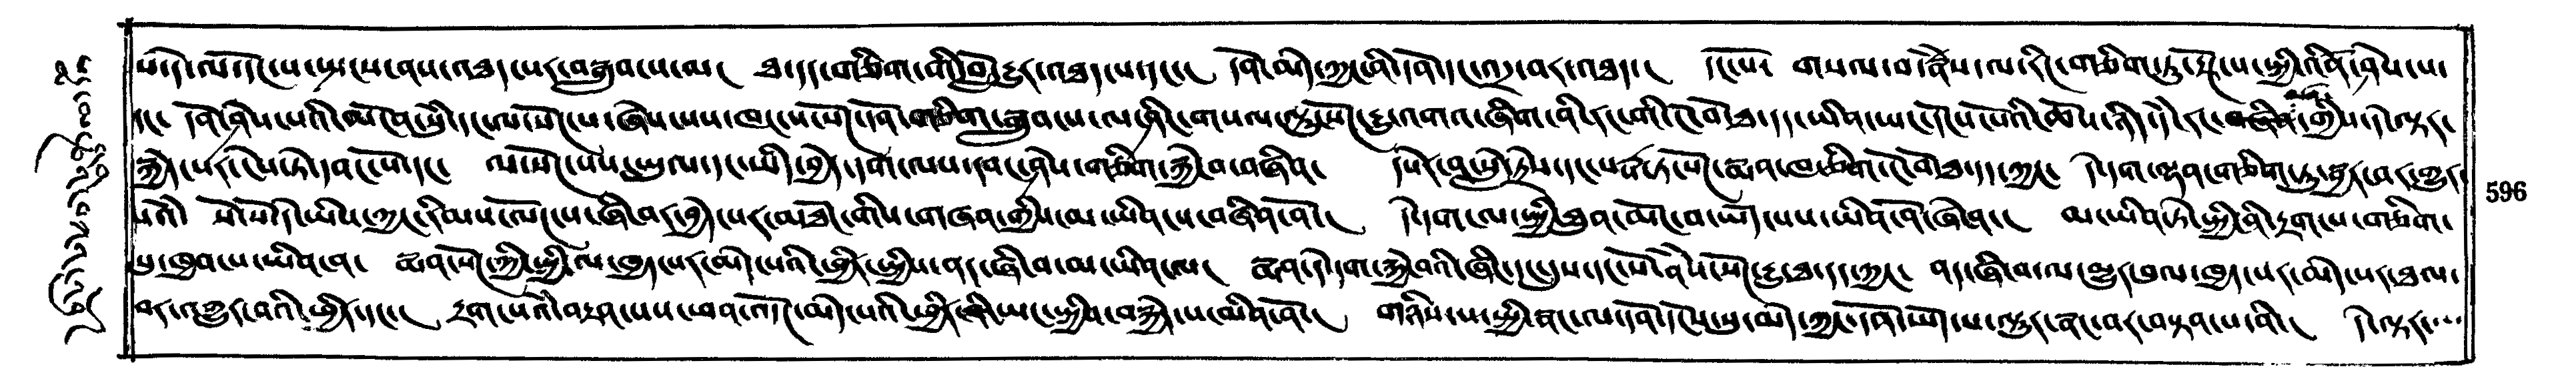པ་དེ་ལ་དོགས་པ་སྤོང་ནས་འཐད་པར་བསྒྲུབ་པ་ལ། ཐ་དད་གཅིག་གི་བློ་རྒྱུར་འཐད་པ་དང་། །དོན་མེད་ཀྱང་ནི་དོན་དང་འདྲ་བར་འཐད། །དང་པོ། གསལ་བ་རྣམས་ལ་རིགས་གཅིག་ཏུ་རྟོགས་པ་སྤྱི་འཛིན་ཤེས་པ་
དང་། དོན་ཤེས་པའི་མངོན་སུམ་དང་ལ་སོགས་པ་ཞེས་པས་ཁང་པ་སོགས་དོན་གཅིག་སྒྲུབ་པ་ལ་ཤིང་གསལ་ལྟ་བུ་སོགས་རྒྱུ་འགའ་ཞིག་ནི་རང་གི་ངོ་བོ་ཐ་དད་ཡིན་ཡང་དངོས་པོའི་ཆོས་ཉིད་དམ་རང་མཚན་གྱིས་དེ་ལྟར་
སྐྱེད་པར་ངེས་ཏེ་དབང་པོ་དང་། ལ་སོགས་པས་ཡུལ་དག་ཡིད་བྱེད་དག་ལས་དབང་ཤེས་གཅིག་སྐྱེ་བ་བཞིན། དཔེར་ན་སླེ་ཏྲེས་དང་པརྤ་ཏ་སོགས་སྨན་ཁ་ཅིག་ངོ་བོ་ཐ་དད་ཀྱང་། དེ་དག་ལྷན་ཅིག་ཏུ་སྦྱར་བར་གྱུར་
པའམ། སོ་སོ་དེ་ཡིས་ཀྱང་རིམས་ལོག་པ་ཞི་བར་བྱེད་པར་མཐོང་གིས་གཞན་གྱིས་མ་ཡིན་པ་བཞིན་ནོ།། དེ་དག་ལ་སྤྱི་ཐུན་མོང་བ་ཡོད་པས་ཡིན་ནོ་ཞེ་ན། མ་ཡིན་ཏེ་སྤྱི་ནི་རྟག་པ་གཅིག་
པུར་ཁྱབ་པ་ཡིན་ན། སྨན་སོགས་ཀྱི་སྤྱི་ལ་ཁྱད་པར་མེད་པའི་ཕྱིར་སྤྱིས་ནད་ཞི་བ་མ་ཡིན་ལ། སྨན་དེ་དག་སྐྱེ་བའི་ཞིང་དང་དུས་དང་པོ་རྣམས་སོགས་རྒྱུ་ཐ་དད་ཀྱང་། ནད་ཞི་བ་ལ་མྱུར་བུལ་ཁྱད་པར་མེད་པར་ཐལ་
བར་འགྱུར་བའི་ཕྱིར་དང་།རྟག་པའམ་བརྟན་པས་ཕན་འདོགས་མེད་པའི་ཕྱིར་ཡང་སྤྱིས་བསྐྱེད་པ་མིན་ནོ།། གཉིས་པ། སྤྱི་སྣང་ལ་དོན་དངོས་སུ་མེད་ཀྱང་དོན་ཡོད་པ་ལྟ་བུར་སྣང་བ་བསྟན་པ་ནི། དེ་ལྟར་